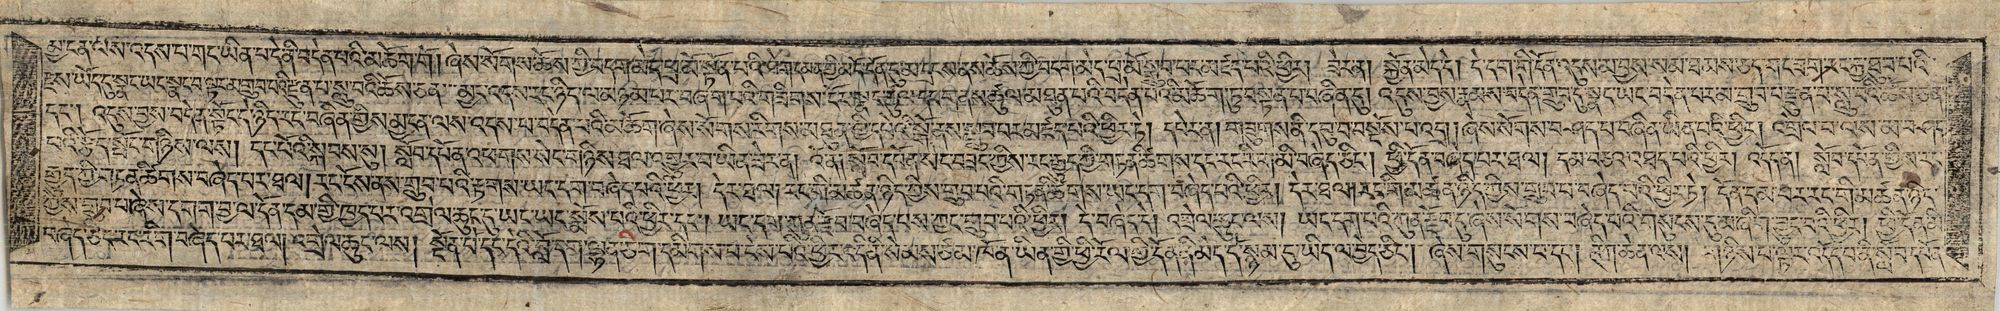མྱ་ངན་ལས་འདས་པ་གང་ཡིན་པ་དེ་ནི་བདེན་པའི་མཆོག་གོ། ཞེས་སོགས་ཆོས་ཀྱི་བདག་མེད་ཕྲ་མོ་སྟོན་པའི་ཐེག་དམན་གྱི་མདོ་དོན་དུ་མ་དྲངས་ནས་ཆོས་ཀྱི་བདག་མེད་ཕྲ་མོ་སྒྲུབ་པར་མཛད་པའི་ཕྱིར། ཟེར་ན། སྐྱོན་མེད་དེ། དེ་དག་གི་དོན་འདུས་མ་བྱས་སམ་ཐམས་ཅད་གང་ཟག་རང་རྐྱ་ཐུབ་པའི་
རྫས་ཡོད་དུ་སྣང་ཡང་སྣང་བ་ལྟར་མ་གྲུབ་པའི་རྫུནྤ་སླུ་བའི་ཆོས་ཅན་མྱང་འདས་རང་ཉིད་ལ་མཉམ་པར་བཞག་པའི་གཟིགས་ངོར་སྣང་ཚུལ་དང་གནས་ཚུལ་མཐུན་པའི་བདེན་པའི་མཆོག་ཏུ་བསྟན་པ་བཞིན་དུ། འདུས་བྱས་རྣམས་བདེན་གྲུབ་དུ་སྣང་ཡང་བདེན་པར་མ་གྲུབ་པ་རྫུནྤ་སླུ་བའི་ཆོས་ཅན་
དང་། འདུས་བྱས་བདེན་སྟོང་དེ་ཉིད་རང་བཞིན་གྱིས་མྱ་ངན་ལས་འདས་པ་བདེན་པའི་མཆོག་ཞེས་སོགས་རིགས་མཐུན་གྱི་དཔེའི་སྒོ་ནས་སྒྲུབ་པར་མཛད་པའི་ཕྱིར་ཏེ། དཔེར་ན། གཟུགས་ནི་དབུ་བ་བསྔོས་པ་འདྲ། །ཞེས་སོགས་བཤད་པ་བཞིན་ཡིན་པའི་ཕྱིར། འགྲེལ་པ་ལས་མ་བཤད་
པའི་རྩོད་སྤོང་གཉིས་ལས། དང་པོའི་སྐབས་སུ། སློབ་དཔོན་འཕགས་སེང་གཉིས་ཐལ་འགྱུར་བ་ཡིན་ཟེར་ན། འོ་ན། སློབ་དཔོན་སེང་བཟང་གིས་རང་རྒྱུད་ཀྱི་གཏན་ཚིགས་དང་རང་རིག་མི་བཞེད་ཅིང་། ཕྱི་དོན་བཞེད་པར་ཐལ། དམ་བཅའ་འཐད་པའི་ཕྱིར། འདོད་ན། སློབ་དཔོན་གྱིས་རང་
རྒྱུད་ཀྱི་གཏན་ཚིགས་བཞེད་པར་ཐལ། རང་ངོས་ནས་གྲུབ་པའི་རྟགས་ཡང་དག་བཞེད་པའི་ཕྱིར། དེར་ཐལ། རང་གི་མཚན་ཉིད་ཀྱིས་གྲུབ་པའི་གཏན་ཚིགས་ཡང་དག་བཞེད་པའི་ཕྱིར། དེར་ཐལ། རང་གི་མཚན་ཉིད་ཀྱིས་གྲུབ་པ་བཞེད་པའི་ཕྱིར་ཏེ། དོན་དམ་པར་རང་གི་མཚན་ཉིད་
ཀྱིས་གྲུབ་པ་ཞེས་དགག་བྱ་ལ་དོན་དམ་གྱི་ཁྱད་པར་འགྲེལ་ཆུང་ངུ་ཡང་ཡང་སྨོས་པའི་ཕྱིར་དང་། ཡང་དག་ཀུན་རྫོབ་བཞེད་པས་ཀྱང་གྲུབ་པའི་ཕྱིར། དེ་བཞེད་དེ། འགྲེལ་ཆུང་ལས། ཡང་དག་པའི་ཀུན་རྫོབ་དུ་ཞེས་སོགས་བཞེད་པའི་གསུངས་དུ་མ་ཞིག་བྱུང་བའི་ཕྱིར། ཕྱི་དོན་མི་
བཞེད་ཅིང་རང་རིག་བཞེད་པར་ཐལ། འགྲེལ་ཆུང་ལས། སྔོན་པོ་དང་དེའི་བློ་དག་ལྷན་ཅིག་དམིགས་པ་ངེས་པའི་ཕྱིར་འདི་ནི་སེམས་ཙམ་ཁོ་ན་ཡིན་གྱི་ཕྱི་རོལ་གྱི་དོན་ནི་མེད་དོ་སྙམ་དུ་ཡིད་ལ་བྱེད་ཅིང་། ཞེས་གསུངས་པ་དང་། ཊིཀ་ཆེན་ལས། གཉིས་པ་ལྟར་འདོད་པ་ནི་སློབ་དཔོན་